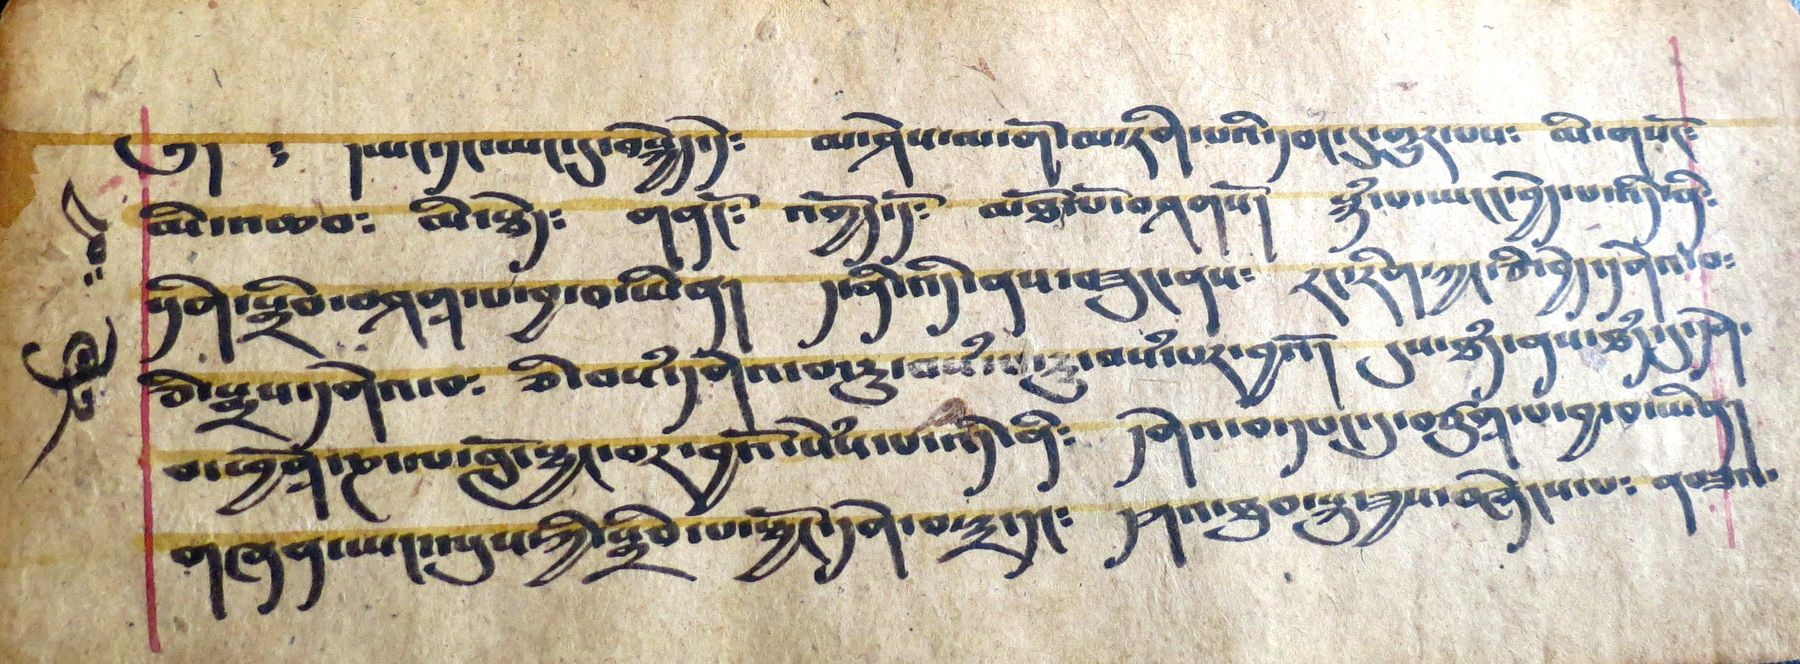ཡང་དང་ཡང་དུ་བསྐྱེད་ཅིང་། མ་ཤེས་མ་གོ་མ་རིག་པའི་དབང་དུ་གྱུར་པ་མི་གསང་ངོ་། 
མི་འཆབ་བོ། མི་སྦེད་དོ། གནོང་ངོ་འགྱོད་དོ། མཐོལ་ལོ། བཤགས་སོ། སྙམ་པ་ཡང་ཡང་བྱེད་པ་འདི་ནི་
སྡིག་སྒྲིབ་བཤགས་པ་བྱ་བ་ཡིན། ད་ནི་འདི་ནས་བཟུང་ནས། རང་གིས་ཀྱང་ཅི་བྱེད་དགེ་བ། 
ཅི་སྨྲས་དགེ་བ། ཅི་བསམ་དགེ་བ་རུ་བསམ་པར་བྱའོ། དུས་ཐམས་ཅད་ནས་ཐམས་ཅད་དུ་དགེ་
བ་ཕྱོགས་མེད་ལ་བློ་སྦྱང་བར་བྱའོ། བར་བསམ་པ་ནི་དགེ་བ་དཔང་དུ་བཙུགས་པ་བྱ་བ་ཡིན། 
གཞན་ཡང་ལུས་ཀྱི་སྒྲིབ་སྦྱོང་དགེ་བ་གསུམ་དང་། དཀའ་ཐུབ་སྐུ་གཟུགས་བཞེངས་པ་ན་བཟའ་